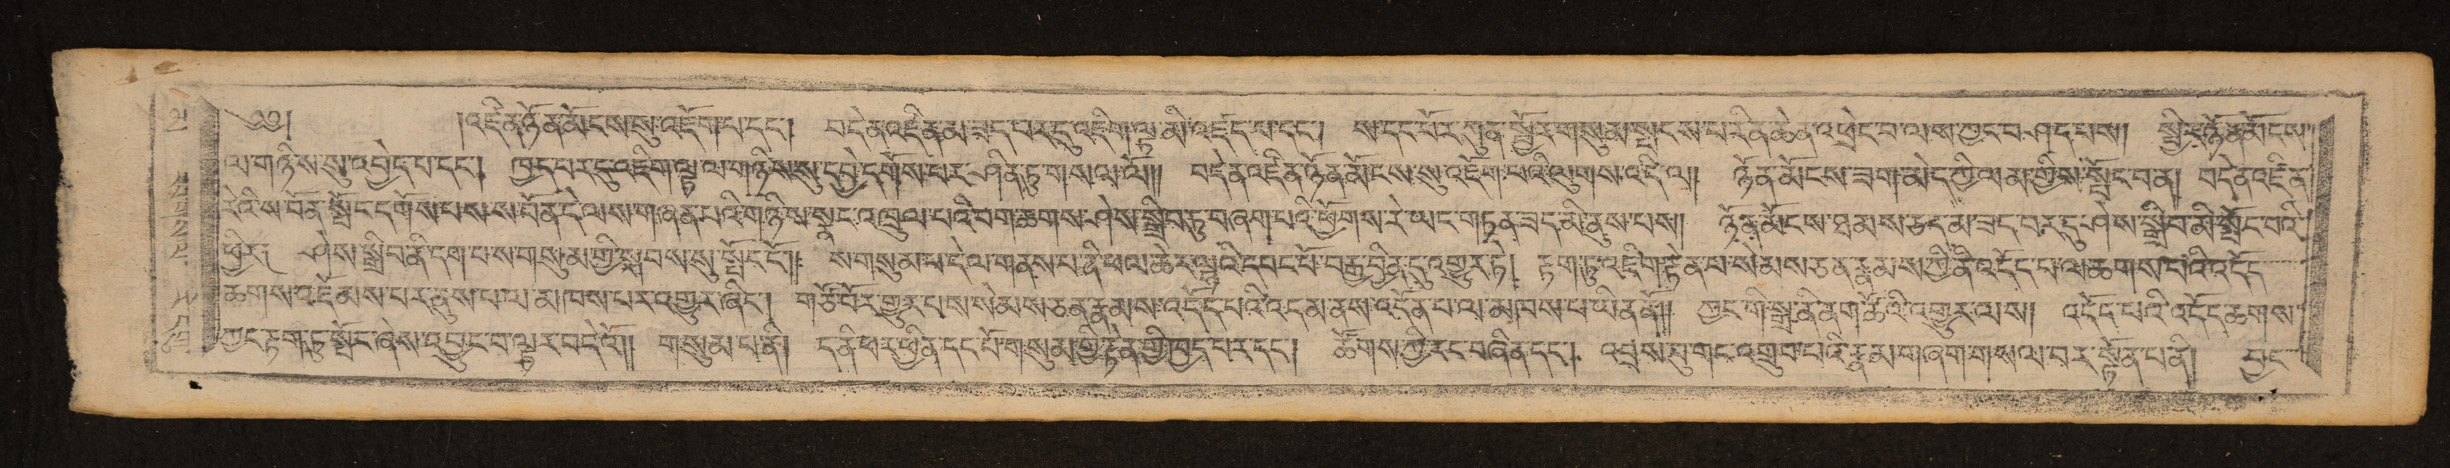༄༅། །འཛིན་ཉོན་མོངས་སུ་འཇོག་པ་དང་། བདེན་འཛིན་མ་ཟད་བར་དུ་འཇིག་ལྟ་མི་འཛད་པ་དང་། ས་དང་པོར་ཀུན་སྦྱོར་གསུམ་སྤངས་པ་རིན་ཆེན་འཕྲེང་བ་ལས་ཀྱང་བཤད་པས། སྤྱིར་ཉོན་མོངས་
ལ་གཉིས་སུ་འབྱེད་པ་དང་། ཁྱད་པར་དུ་འཇིག་ལྟ་ལ་གཉིས་སུ་དབྱེ་དགོས་པར་ཤིན་ཏུ་གསལ་ལོ།། བདེན་འཛིན་ཉོན་མོངས་སུ་འཇོག་པའི་ལུགས་འདི་ལ། ཉོན་མོངས་ཟག་མེད་ཀྱི་ལམ་གྱིས་སྤོང་བ་ན། བདེན་འཛིན་
རེའི་ས་བོན་སྤོང་དགོས་པས་ས་བོན་དེ་ལས་གཞན་པའི་གཉིས་སྣང་འཁྲུལ་པའི་བག་ཆགས་ཤེས་སྒྲིབ་ཏུ་བཞག་པའི་ཕྱོགས་རེ་ཡང་གཏན་ཟད་མི་ནུས་པས། ཉོན་མོངས་ཐམས་ཅད་མ་ཟད་བར་དུ་ཤེས་སྒྲིབ་མི་སྤོང་བའི་
ཕྱིར༑ ཤེས་སྒྲིབ་ནི་དག་པ་ས་གསུམ་གྱི་སྐབས་སུ་སྤོང་ངོ།། ས་གསུམ་པ་དེ་ལ་གནས་པ་ནི་ཕལ་ཆེར་ལྷའི་དབང་པོ་བརྒྱ་བྱིན་དུ་འགྱུར་ཏེ། རྟག་ཏུ་འཇིག་རྟེན་པ་སེམས་ཅན་རྣམས་ཀྱི་ནི་འདོད་པ་ལ་ཆགས་པའི་འདོད་
ཆགས་འཇོམས་པར་ནུས་པ་ལ་མཁས་པར་འགྱུར་ཞིང་། གཙོ་བོར་གྱུར་པས་སེམས་ཅན་རྣམས་འདོད་པའི་འདམ་ནས་འདོན་པ་ལ་མཁས་པ་ཡིན་ནོ།། ཀྱང་གི་སྒྲ་ནི་ནག་ཚོའི་འགྱུར་ལས། འདོད་པའི་འདོད་ཆགས་
ཀྱང་རྟག་ཏུ་སྤོང་ཞེས་འབྱུང་བ་ལྟར་བདེའོ།། གསུམ་པ་ནི། དེ་ནི་ཕར་ཕྱིན་དང་པོ་གསུམ་གྱི་རྟེན་གྱི་ཁྱད་པར་དང་། ཚོགས་ཀྱི་རང་བཞིན་དང་། འབྲས་བུ་གང་འགྲུབ་པའི་རྣམ་གཞག་གསལ་བར་སྟོན་པ་ནི། བྱང་